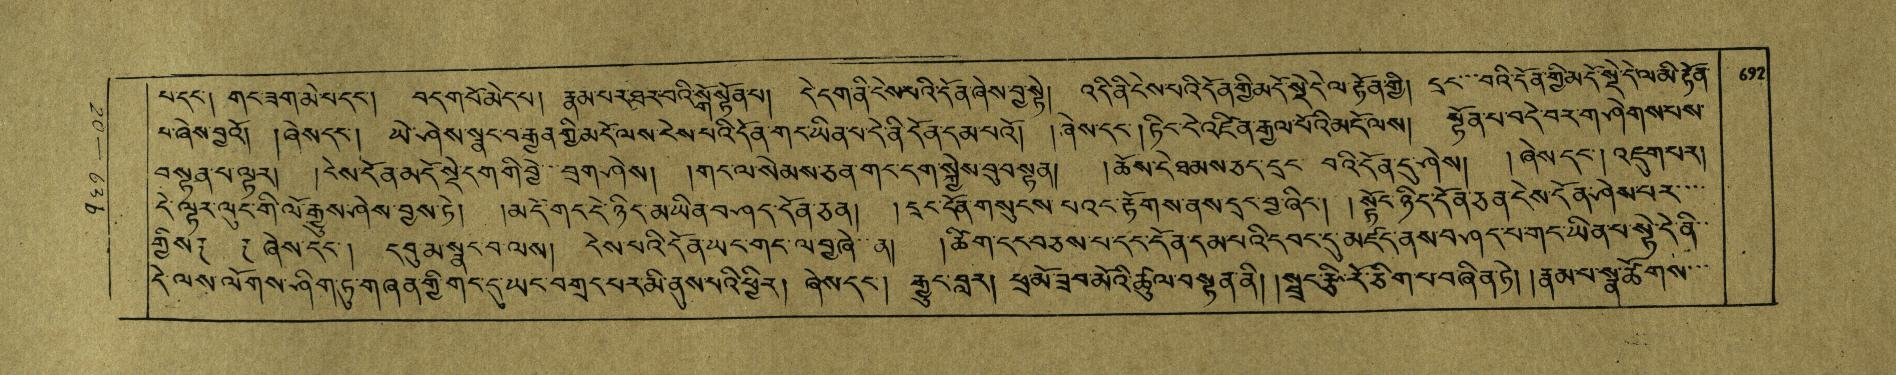པ་དང་། གང་ཟག་མེ་པ་དང་། བདག་པོ་མེད་པ། རྣམ་པར་ཐར་བའི་སྒོ་སྟོན་པ། དེ་དག་ནི་ངེས་པའི་དོན་ཞེས་བྱ་སྟེ། འདི་ནི་ངེས་པའི་དོན་གྱི་མདོ་སྡེ་དེ་ལ་རྟོན་གྱི། དྲང་བའི་དོན་གྱི་མདོ་སྡེ་དེ་ལ་མི་རྟོན་
པ་ཞེས་བྱའོ། །ཞེས་དང་། ཡེ་ཤེས་སྣང་བ་རྒྱན་གྱི་མདོ་ལས་ངེས་པའི་དོན་གང་ཡིན་པ་དེ་ནི་དོན་དམ་པའོ། །ཞེས་དང་། ཏིང་ངེ་འཛིན་རྒྱལ་པོའི་མདོ་ལས། སྟོན་པ་བདེ་བར་གཤེགས་པས་
བསྟན་པ་ལྟར། །ངེས་དོན་མདོ་སྡེ་དག་གི་བྱེ་བྲག་ཤེས། །གང་ལ་སེམས་ཅན་གང་དག་སྐྱེས་བུ་བསྟན། །ཆོས་དེ་ཐམས་ཅད་དྲང་བའི་དོན་དུ་ཤེས། །ཞེས་དང་། འཇུག་པར།
དེ་ལྟར་ལུང་གི་ལོ་རྒྱུས་ཤེས་བྱས་ཏེ། །མདོ་གང་དེ་ཉིད་མ་ཡིན་བཤད་དོན་ཅན། །དྲང་དོན་གསུངས་པའང་རྟོགས་ནས་དྲང་བྱ་ཞིང་། །སྟོང་ཉིད་དོན་ཅན་ངེས་དོན་ཤེས་པར་
གྱིས༑ ༑ཞེས་དང་། དབུ་མ་སྣང་བ་ལས། དེས་པའི་དོན་ཡང་གང་ལ་བྱ་ཞེ་ན། །ཚིག་དང་བཅས་པ་དང་དོན་དམ་པའི་དབང་དུ་མཛད་ནས་བཤད་པ་གང་ཡིན་པ་སྟེ་དེ་ནི་
དེ་ལས་ལོགས་ཤིག་ཏུ་གཞན་གྱི་གང་དུ་ཡང་བགྲད་པར་མི་ནུས་པའི་ཕྱིར། ཞེས་དང་། རྒྱུད་བླར། ཕྲ་མོ་ཟབ་མོའི་ཚུལ་བསྟན་ནི། །སྦྲང་རྩི་རོ་ཅིག་པ་བཞིན་ཏེ། །རྣམ་པ་སྣ་ཚོགས་